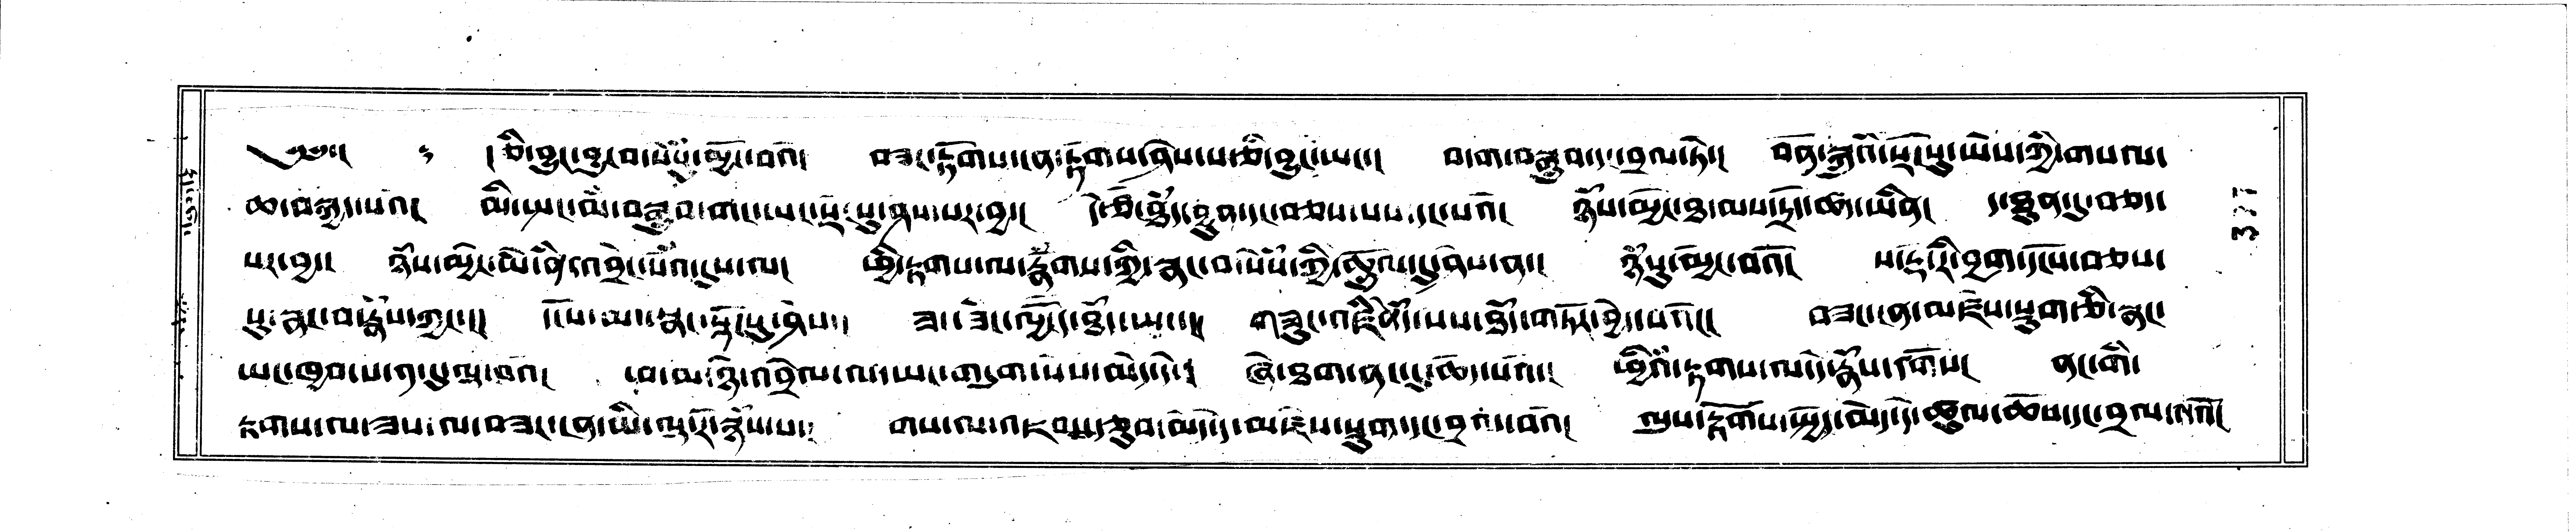ཅི་བྱུང་བྱང་ཆུབ་སེམས་སུ་རོ་མྱོང་བའོ། བཟང་རྟོག་ངན་རྟོག་གིས་ཤེས་པ་ཅི་བྱུང་ཡང་། བཀག་བསྒྲུབ་དང་བྲལ་ཏེ་ བོན་སྐུའི་གྲོགས་སུ་ཡེ་ཤེས་ཀྱིས་གསལ་
ཆ་བསྐྱེད་པའོ། མི་སྤངས་མི་བསྒྲུབ་གང་ཡང་གྲོགས་སུ་ཤེས་པར་བྱ། དེ་ཚོ་ཐམས་ཅད་ཐུན་དུ་བཅད་པའི་དང་པོ་ ཉམ་བྱོང་ཐ་མའི་དྲོད་ཚད་ཡིན་ནོ། ད་ཐུན་དུ་བཅད་
པ་བར་མའི་དུས་ལ། ཉམས་མྱོང་ཡིན་ན་འབྲིང་པོའི་དུས་ལ། ཕྱིའི་རྟགས་ལ་སྣ་ཚོགས་ཀྱིས་སྣང་བ་སེམས་ཀྱི་སྣང་བ་སེམས་ཀྱི་ཆོ་འཕྲུལ་དུ་ཤེས་ན། བྱང་ཆུབ་སེམས་སུ་མྱོང་བའི་དུས་ལ། ས་རྡོ་རི་བྲག་ཐམས་ཅད་དངོས་བཅས་
སུ་སྣང་བ་རྣམས་ཀྱང་། དངོས་མེད་སྟོང་པ་རུ་ཤེས་སོ། ཟས་ནོར་ལོངས་སྤྱོད་ཐམས་ཅད་ལ་ཡང་གཟུང་འཛིན་མེད་ནི་༼པས༽ཐམས་ཅད་གཏོར་བར་བྱེད་པའོ། བཟང་ངན་མཛེས་སྡུག་ཅི་སྣང་
ཡང་ཁྱད་མེད་པ་ཅིག་ཏུ་བལྟའོ། ཕ་མ་གཉེན་འབྲེལ་ལ་ཡང་གདུང་སེམས་མེད་དེ་ཞེ་ཐག་ནང་དུ་ཆོད་པའོ། ཕྱིའི་རྟགས་ལ་དེ་རྣམས་འོང་དགོས། ནང་གིས་
རྟགས་ལ་ཟས་ལ་བཟང་ངན་མི་ལྟ་རོ་མྱོང་སྙོམ་པའོ། གོས་ལ་འཇམས་རྩུབ་མེད་དེ་མཛེས་སྡུག་དང་བྲལ་བ། ལུས་ལ་རྟོགས་སྤྱོད་༼དཔྱོད་༽མེད་དེ་ཚུལ་ཆོས་དང་བྲལ་བ།